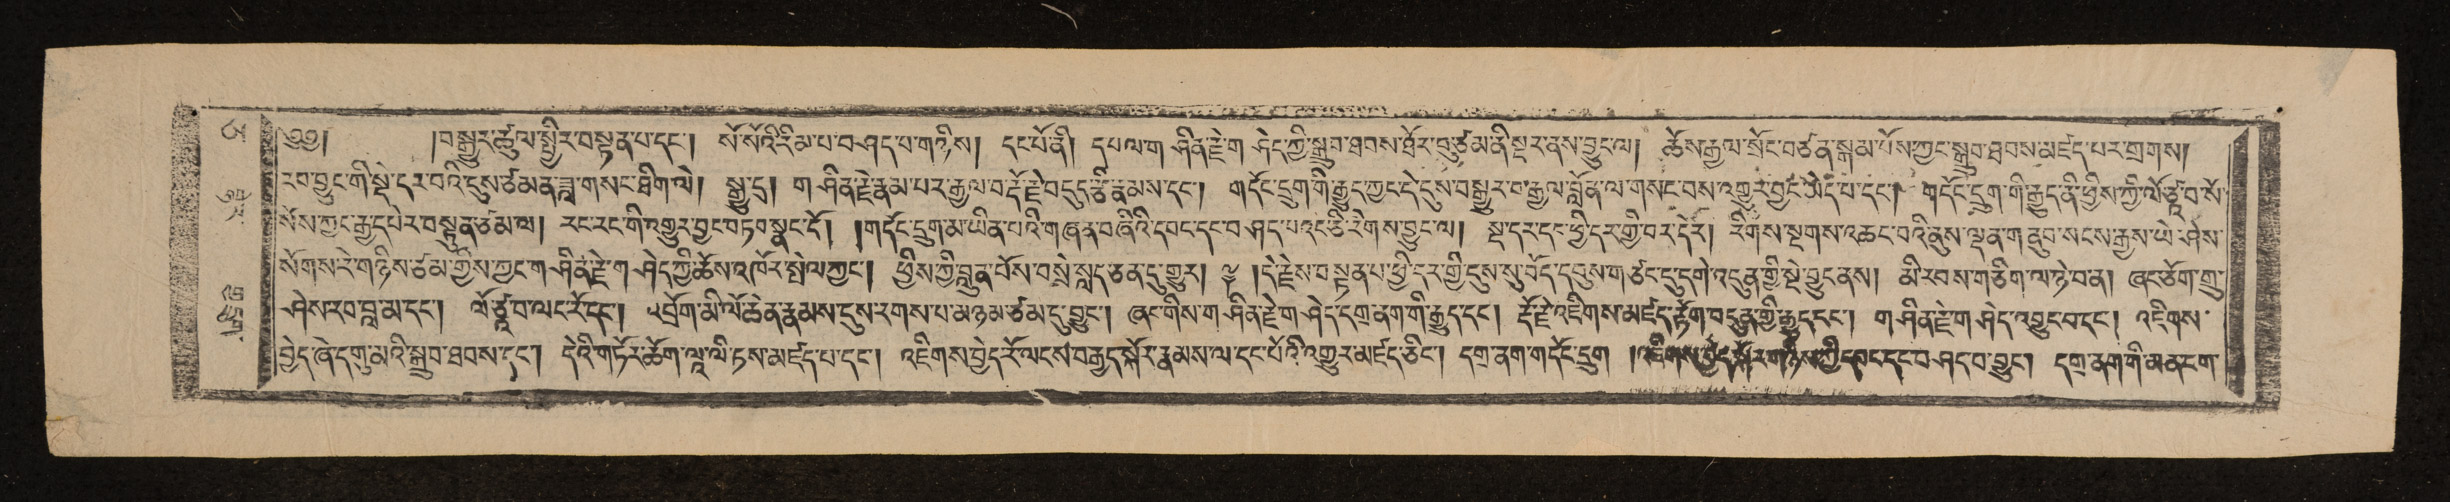༄༅། །བསྒྱུར་ཚུལ་སྤྱིར་བསྟན་པ་དང་། སོ་སོའི་རིམ་བ་བཤད་པ་གཉིས། དང་པོ་ནི། དཔལ་གཤིན་རྗེ་གཤེད་ཀྱི་སྒྲུབ་ཐབས་ཐོར་བུ་ཙམ་ནི་སྔར་ནས་བྱུང་ལ། ཆོས་རྒྱལ་སྲོང་བཙན་སྒམ་པོས་ཀྱང་སྒྲུབ་ཐབས་མཛད་པར་གྲགས།
རབ་བྱུང་གི་སྡེ་དར་བའི་དུས་ཙམ་ན་ཟླ་གསང་ཐིག་ལེ། སྒྱུ་དྲ། གཤིན་རྗེ་རྣམ་པར་རྒྱལ་བ་རྡོ་རྗེ་བདུད་རྩི་རྣམས་དང་། གདོང་དྲུག་གི་རྒྱུད་ཀྱང་དེ་དུས་བསྒྱུར་བརྒྱལ་བློན་ལ་གསང་བས་འགྱུར་བྱང་མེད་པ་དང་། གདོང་དྲུག་གི་རྒྱུད་ནི་ཕྱིས་ཀྱི་ལོ་ཙཱ་བ་སོ་
སོས་ཀྱང་རྒྱད་པར་བསྟུན་ཙམ་ལ། རང་རང་གི་འགྱུར་བྱང་བཏབ་སྣང་ངོ། །གདོང་དྲུག་མ་ཡིན་པའི་གཞན་བཞིའི་དབང་དང་བཤད་པའང་ཅི་རིགས་བྱུང་ལ། སྔ་དར་དང་ཕྱི་དར་གྱི་བར་དེར། རིགས་སྔགས་འཆང་བའི་ནུས་ལྡན་གནུབ་སངས་རྒྱས་ཡེ་ཤེས་
སོགས་རེ་གཉིས་ཙམ་གྱིས་ཀྱང་གཤིན་རྗེ་གཤེད་ཀྱི་ཆོས་འཁོར་སྤེལ་ཀྱང་། ཕྱིས་ཀྱི་བླུན་པོས་བསྲེ་སླད་ཅན་དུ་གྱུར། ༈ །དེ་རྗེས་བསྟན་པ་ཕྱི་དར་གྱི་དུས་སུ་བོད་དབུས་གཙང་དུ་དགེ་འདུན་གྱི་སྡེ་བྱུང་ནས། མི་རབས་གཅིག་ལ་ཉེ་བ་ན། ཞད་ཅོག་གྲུ་
ཤེས་རབ་བླ་མ་དང་། ལོ་ཙཱ་བ་ལང་རོ་དང་། འབྲོག་མི་ལོ་ཆེན་རྣམས་དུས་རགས་པ་མཉམ་ཙམ་དུ་བྱུང་། ཞང་གིས་གཤིན་རྗེ་གཤེད་དགྲ་ནག་གི་རྒྱུད་དང་། རྡོ་རྗེ་འཇིགས་མཛད་རྙོག་བདུན་གྱི་རྒྱུད་དང་། གཤིན་རྗེ་གཤེད་འབྱུང་བ་དང་། འཇིགས་
བྱེད་ཞེ་དགུ་མའི་སྒྲུབ་ཐབས་དང་། དེའི་གཏོར་ཆོག་ལཱ་ལི་ཏས་མཛད་པ་དང་། འཇིགས་བྱེད་རོ་ལངས་བརྒྱད་སྐོར་རྣམས་ལ་དང་པོའི་འགྱུར་མཛད་ཅིང་། དགྲ་ནག་གདོང་དྲུག །འཇིགས་བྱེད་སྐོར་གཉིས་ཀྱི་དབང་དང་བཤད་པ་བྱུང་། དགྲ་ནག་གི་མན་ངག་